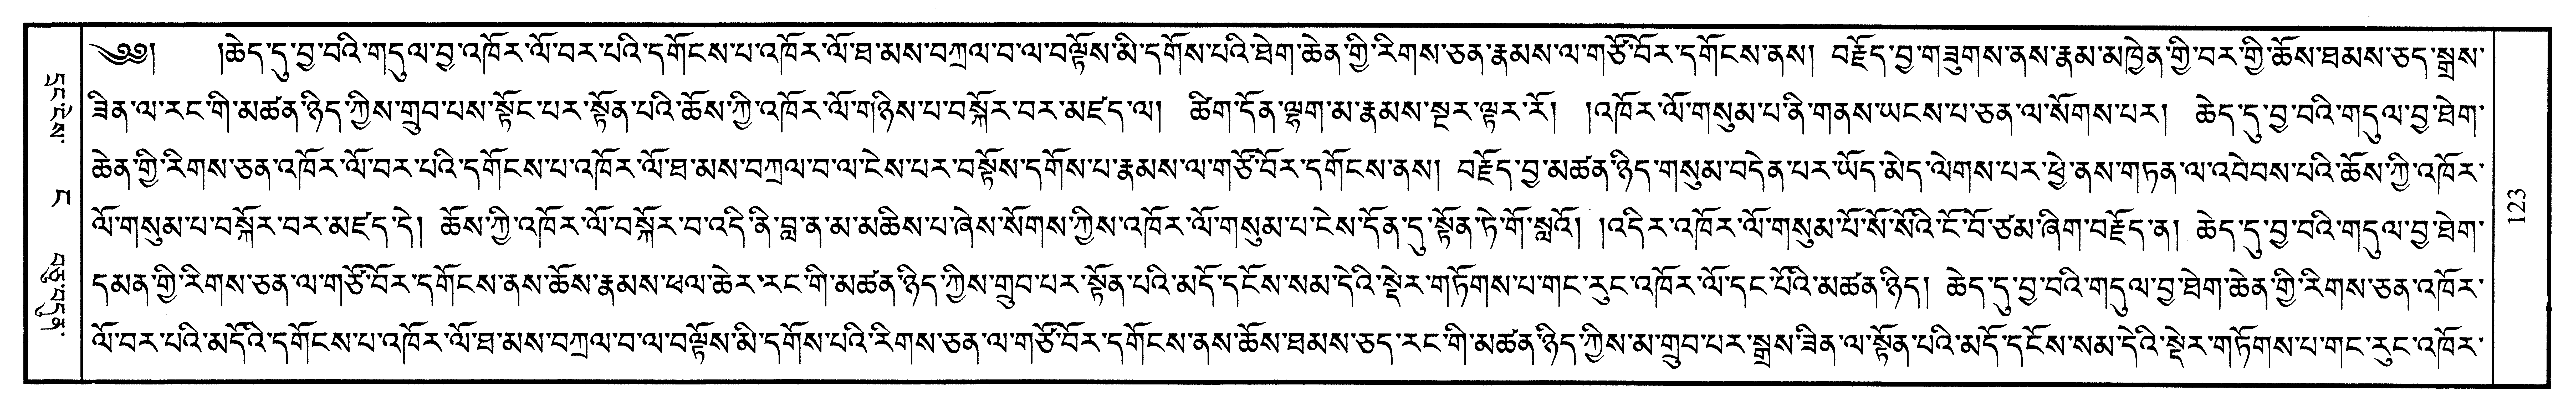༄༅། །ཆེད་དུ་བྱ་བའི་གདུལ་བྱ་འཁོར་ལོ་བར་པའི་དགོངས་པ་འཁོར་ལོ་ཐ་མས་བཀྲལ་བ་ལ་བལྟོས་མི་དགོས་པའི་ཐེག་ཆེན་གྱི་རིགས་ཅན་རྣམས་ལ་གཙོ་བོར་དགོངས་ནས། བརྗོད་བྱ་གཟུགས་ནས་རྣམ་མཁྱེན་གྱི་བར་གྱི་ཆོས་ཐམས་ཅད་སྒྲས་
ཟིན་ལ་རང་གི་མཚན་ཉིད་ཀྱིས་གྲུབ་པས་སྟོང་པར་སྟོན་པའི་ཆོས་ཀྱི་འཁོར་ལོ་གཉིས་པ་བསྐོར་བར་མཛད་ལ། ཚིག་དོན་ལྷག་མ་རྣམས་སྔར་ལྟར་རོ། །འཁོར་ལོ་གསུམ་པ་ནི་གནས་ཡངས་པ་ཅན་ལ་སོགས་པར། ཆེད་དུ་བྱ་བའི་གདུལ་བྱ་ཐེག་
ཆེན་གྱི་རིགས་ཅན་འཁོར་ལོ་བར་པའི་དགོངས་པ་འཁོར་ལོ་ཐ་མས་བཀྲལ་བ་ལ་ངེས་པར་བསྟོས་དགོས་པ་རྣམས་ལ་གཙོ་བོར་དགོངས་ནས། བརྗོད་བྱ་མཚན་ཉིད་གསུམ་བདེན་པར་ཡོད་མེད་ལེགས་པར་ཕྱེ་ནས་གཏན་ལ་འབེབས་པའི་ཆོས་ཀྱི་འཁོར་
ལོ་གསུམ་པ་བསྐོར་བར་མཛད་དེ། ཆོས་ཀྱི་འཁོར་ལོ་བསྐོར་བ་འདི་ནི་བླ་ན་མ་མཆིས་པ་ཞེས་སོགས་ཀྱིས་འཁོར་ལོ་གསུམ་པ་ངེས་དོན་དུ་སྟོན་ཏེ་གོ་སླའོ། །འདིར་འཁོར་ལོ་གསུམ་པོ་སོ་སོའི་ངོ་བོ་ཙམ་ཞིག་བརྗོད་ན། ཆེད་དུ་བྱ་བའི་གདུལ་བྱ་ཐེག་
དམན་གྱི་རིགས་ཅན་ལ་གཙོ་བོར་དགོངས་ནས་ཆོས་རྣམས་ཕལ་ཆེར་རང་གི་མཚན་ཉིད་ཀྱིས་གྲུབ་པར་སྟོན་པའི་མདོ་དངོས་སམ་དེའི་སྡེར་གཏོགས་པ་གང་རུང་འཁོར་ལོ་དང་པོའི་མཚན་ཉིད། ཆེད་དུ་བྱ་བའི་གདུལ་བྱ་ཐེག་ཆེན་གྱི་རིགས་ཅན་འཁོར་
ལོ་བར་པའི་མདོའི་དགོངས་པ་འཁོར་ལོ་ཐ་མས་བཀྲལ་བ་ལ་བལྟོས་མི་དགོས་པའི་རིགས་ཅན་ལ་གཙོ་བོར་དགོངས་ནས་ཆོས་ཐམས་ཅད་རང་གི་མཚན་ཉིད་ཀྱིས་མ་གྲུབ་པར་སྒྲས་ཟིན་ལ་སྟོན་པའི་མདོ་དངོས་སམ་དེའི་སྡེར་གཏོགས་པ་གང་རུང་འཁོར་